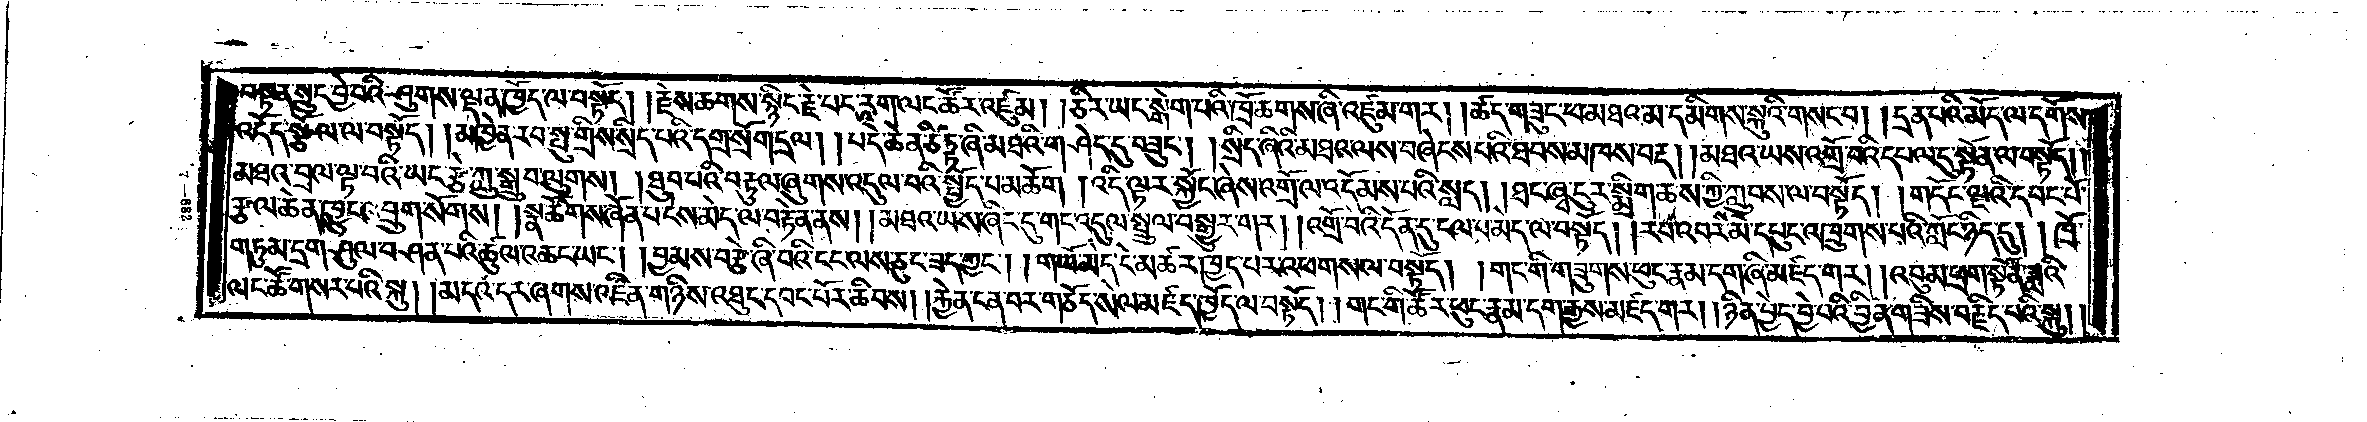བསྟན་སྲུང་བྱེ་བའི་ཤུགས་ལྡན་ཁྱོད་ལ་བསྟོད། །རྗེས་ཆགས་སྙིང་རྗེ་པར་རག་ལང་ཚོར་འཛུམ། །ཅིར་ཡང་སྒེག་པའི་ཁྲོ་ཆགས་ཞི་འཛུམ་གར། །ཚད་གཟུང་ཕ་མཐའ་མ་དམིགས་སྐུའི་གསང་བ། །དྲན་པའི་མོད་ལ་དགོས་
འདོད་སྩོལ་ལ་བསྟོད། །མཁྱེན་རབ་སྤུ་གྲིས་སྲིད་པའི་དགྲ་སྲོག་དྲལ། །བདེ་ཆེན་ཙིཏྟ་ཞི་མཐའི་གཤེད་དུ་བཟུང་། །སྲིད་ཞིའི་མཐའ་ལས་བཞིངས་པའི་ཐབས་མཁས་བརྡ། །མཐའ་ཡས་འགྲོ་བའི་དཔལ་དུ་སྟོན་ལ་བསྟོད། །
མཐའ་བྲལ་ལྟ་བའི་ཡང་རྩེ་ཀླུ་སྒྲུབ་ལུགས། །ཐུབ་པའི་བརྟུལ་ཞུགས་འདུལ་བའི་སྤྱོད་པ་མཆོག །འདི་ལྟར་སྐྱོང་ཞེས་འགྲོ་ལ་འདོམས་པའི་སླད། །ཐང་ཞྭ་ངུར་སྨྲིག་ཆས་ཀྱི་ཀླུབས་ལ་བསྟོད། །གདོང་ལྔའི་དབང་པོ་
རྩལ་ཆེན་ཁྱུང་འབྲུག་སོགས། །སྣ་ཚོགས་ཞེན་པ་ངེས་མེད་ལ་བརྟེན་ནས། །མཐའ་ཡས་ཞིང་དུ་གང་འདུལ་སྤྲུལ་བསྒྱུར་གར། །འགྲོ་བའི་དོན་དུ་ངལ་བ་མེད་ལ་བསྟོད། །རབ་འབར་མེ་དཔུང་འཁྲུགས་པའི་ཀློང་ཉིད་དུ། །ཁྲོ་
གཏུམ་དྲག་ཤུལ་བཤན་པའི་ཚུལ་འཆང་ཡང་། །བྱམས་བརྩེ་ཞི་བའི་ངང་ལས་ཅུང་ཟད་ཀྱང་། །གཡོ་མེད་ངོ་མཚར་ཁྱད་པར་འཕགས་ལ་བསྟོད། །གང་གི་གཟུགས་ཕུང་རྣམ་དག་གཞི་མཛད་གར། །འབུམ་ཕྲག་སྟོན་ཟླའི་
ལང་ཚོ་གསར་པའི་སྐུ། །མདའ་དར་ཞགས་འཛིན་གཉིས་འཐུང་དབང་པོར་ཆིབས། །རྐྱེན་ངན་པར་གཅོད་སེལ་མཛད་ཁྱོད་ལ་བསྟོད། །གང་གི་ཚོར་ཕུང་རྣམ་དག་རྒྱས་མཛད་གར། །ཉིན་བྱེད་བྱེ་བའི་བྱིན་གཟིས་བརྗིད་པའི་སྐུ། །